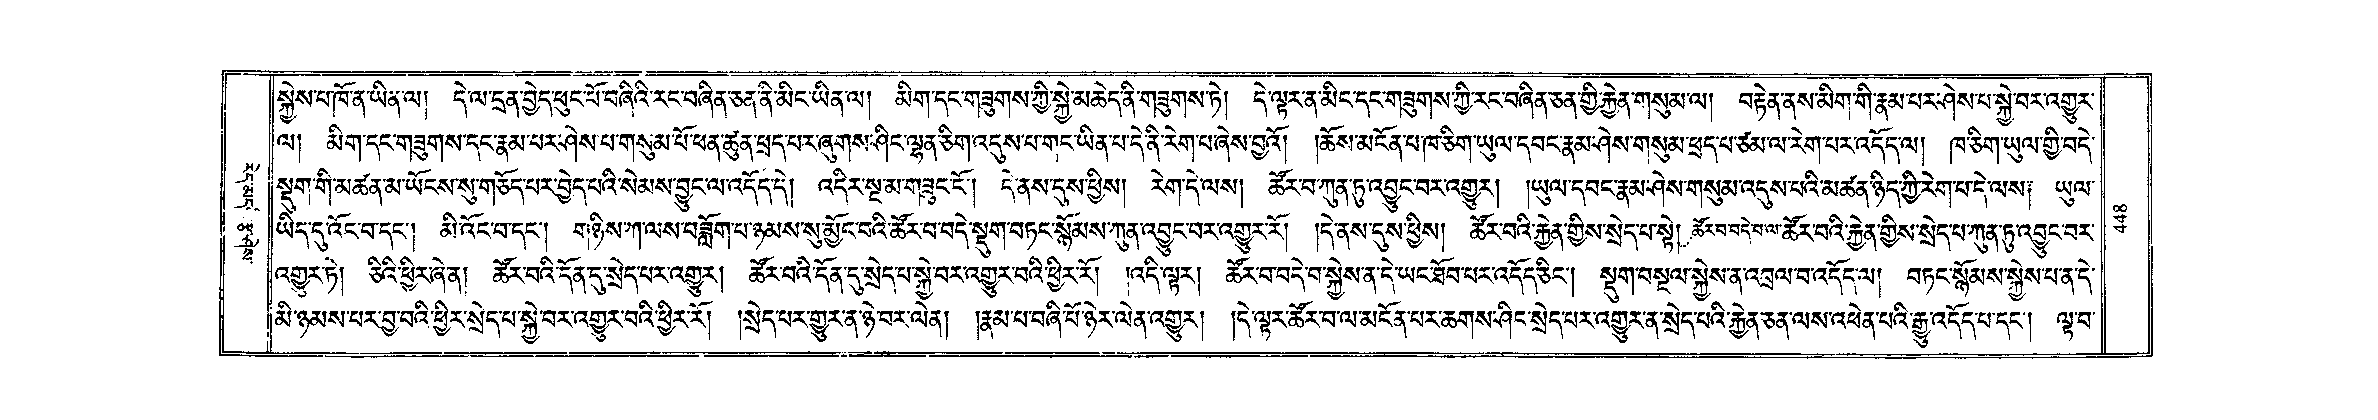སྐྱེས་པ་ཁོ་ན་ཡིན་ལ། དེ་ལ་དྲན་བྱེད་ཕུང་པོ་བཞིའི་རང་བཞིན་ཅན་ནི་མིང་ཡིན་ལ། མིག་དང་གཟུགས་ཀྱི་སྐྱེ་མཆེད་ནི་གཟུགས་ཏེ། དེ་ལྟར་ན་མིང་དང་གཟུགས་ཀྱི་རང་བཞིན་ཅན་གྱི་རྐྱེན་གསུམ་ལ། བརྟེན་ནས་མིག་གི་རྣམ་པར་ཤེས་པ་སྐྱེ་བར་འགྱུར་
ལ། མིག་དང་གཟུགས་དང་རྣམ་པར་ཤེས་པ་གསུམ་པོ་ཕན་ཚུན་ཕྲད་པར་ཞུགས་ཤིང་ལྷན་ཅིག་འདུས་པ་གང་ཡིན་པ་དེ་ནི་རེག་པ་ཞེས་བྱའོ། །ཆོས་མངོན་པ་ཁ་ཅིག་ཡུལ་དབང་རྣམ་ཤེས་གསུམ་ཕྲད་པ་ཙམ་ལ་རེག་པར་འདོད་ལ། ཁ་ཅིག་ཡུལ་གྱི་བདེ་
སྡུག་གི་མཚན་མ་ཡོངས་སུ་གཅོད་པར་བྱེད་པའི་སེམས་བྱུང་ལ་འདོད་དེ། འདིར་སྔ་མ་གཟུང་ངོ། དེ་ནས་དུས་ཕྱིས། རེག་དེ་ལས། ཚོར་བ་ཀུན་ཏུ་འབྱུང་བར་འགྱུར། །ཡུལ་དབང་རྣམ་ཤེས་གསུམ་འདུས་པའི་མཚན་ཉིད་ཀྱི་རེག་པ་དེ་ལས། ཡུལ་
ཡིད་དུ་འོང་བ་དང་། མི་འོང་བ་དང་། གཉིས་ཀ་ལས་བཟློག་པ་ཉམས་སུ་མྱོང་བའི་ཚོར་བ་བདེ་སྡུག་བཏང་སྙོམས་ཀུན་འབྱུང་བར་འགྱུར་རོ། །དེ་ནས་དུས་ཕྱིས། ཚོར་བའི་རྐྱེན་གྱིས་སྲེད་པ་སྟེ། ཚོར་བ་བདེ་བ་ལ་ཚོར་བའི་རྐྱེན་གྱིས་སྲེད་པ་ཀུན་ཏུ་འབྱུང་བར་
འགྱུར་ཏེ། ཅིའི་ཕྱིར་ཞེ་ན། ཚོར་བའི་དོན་དུ་སྲེད་པར་འགྱུར། ཚོར་བའི་དོན་དུ་སྲེད་པ་སྐྱེ་བར་འགྱུར་བའི་ཕྱིར་རོ། །འདི་ལྟར། ཚོར་བ་བདེ་བ་སྐྱེས་ན་དེ་ཡང་ཐོབ་པར་འདོད་ཅིང་། སྡུག་བསྔལ་སྐྱེས་ན་འབྲལ་བ་འདོད་ལ། བཏང་སྙོམས་སྐྱེས་པ་ན་དེ་
མི་ཉམས་པར་བྱ་བའི་ཕྱིར་སྲེད་པ་སྐྱེ་བར་འགྱུར་བའི་ཕྱིར་རོ། །སྲེད་པར་གྱུར་ན་ཉེ་བར་ལེན། །རྣམ་པ་བཞི་པོ་ཉེར་ལེན་འགྱུར། །དེ་ལྟར་ཚོར་བ་ལ་མངོན་པར་ཆགས་ཤིང་སྲེད་པར་འགྱུར་ན་སྲེད་པའི་རྐྱེན་ཅན་ལས་འཕེན་པའི་རྒྱུ་འདོད་པ་དང་། ལྟ་བ་